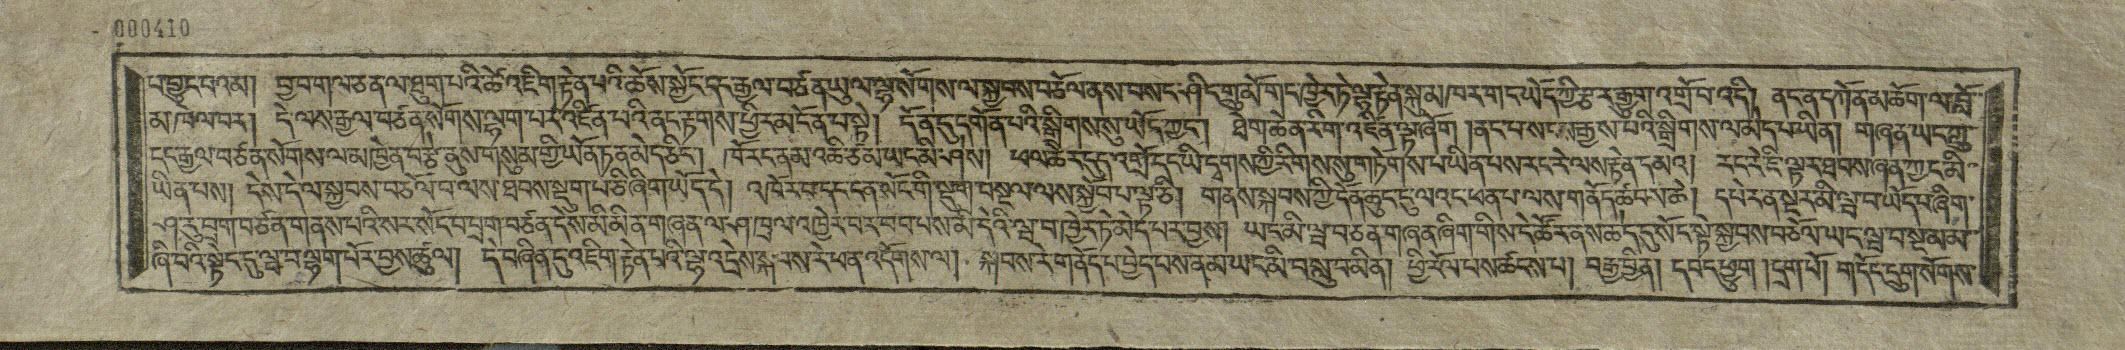པ་བྱུང་བའམ། བྱ་བ་གལ་ཅན་ལ་ཐུག་པའི་ཚེ་འཇིག་རྟེན་པའི་ཆོས་སྐྱོང་དང་རྒྱལ་བཙན་ཡུལ་ལྷ་སོགས་ལ་སྐྱབས་བཅོལ་ནས་བསང་ཤིང་གྲུ་མོ་གང་ཁྱེར་ཏེ་ལྷ་རྟེན་སྐུ་མཁར་གང་ཡོད་ཀྱི་རྩར་རྒྱུག་འགྲོ་བ་འདི། ནང་ན་དཀོན་མཆོག་ལ་བློ་
མ་ཁེལ་བར། དེ་ལས་རྒྱལ་བཙན་སོགས་ལྷག་པར་འཛིན་པའི་ནང་རྟགས་ཕྱིར་མངོན་པ་སྟེ། དོན་དུ་དགོན་པའི་སྒྲིགས་སུ་ཡོད་ཀྱང་། ཐེག་ཆེན་རིག་འཛིན་ལྟ་ཞོག །ནང་པ་སངས་རྒྱས་པའི་སྒྲིགས་ལ་མེད་པ་ཡིན། གཞན་ཡང་ཀླུ་
དང་རྒྱལ་བཙན་སོགས་ལ་མཁྱེན་བརྩེ་ནུས་གསུམ་གྱི་ཡོན་ཏན་མེད་ཅིང་། ཁོ་རང་ནམ་འཆི་ཙམ་ཡང་མི་ཤེས། ཕལ་ཆེར་དུད་འགྲོ་དང་ཡི་དྭགས་ཀྱི་རིགས་སུ་གཏོགས་པ་ཡིན་པས་རང་རེ་ལས་རྟེན་དམའ། རང་རེ་ཇི་ལྟར་ཐབས་ཞན་ཀྱང་མི་
ཡིན་པས། དེས་དེ་ལ་སྐྱབས་བཅོལ་བ་ལས་ཐབས་སྡུག་པ་ཅི་ཞིག་ཡོད་དེ། འཁོར་བ་དང་ངན་སོང་གི་སྡུག་བསྔལ་ལས་སྐྱོབ་པ་ལྟ་ཅི། གནས་སྐབས་ཀྱི་དོན་ཆུང་ངུ་ལའང་ཕན་པ་ལས་གནོད་ཚབས་ཆེ། དཔེར་ན་སྔར་མི་ལྦ་བ་ཡོད་པ་ཞིག་
ཤ་རུ་བྲག་བཙན་གནས་པའི་སར་སོང་བ་བྲག་བཙན་དེས་མི་མིན་གཞན་ལ་ཤ་ཁྲལ་འཁྱེར་བར་བབ་པས་མི་དེའི་ལྦ་བ་ཁྱེར་ཏེ་མེད་པར་བྱས། ཡང་མི་ལྦ་བ་ཅན་གཞན་ཞིག་གིས་དེ་ཚོར་ནས་ཆེད་དུ་སོང་སྟེ་སྐྱབས་བཅོལ་ཡང་ལྦ་བ་སྔ་མ་མ་
ཞི་བའི་སྟེང་དུ་ལྦ་བ་ལྷག་པོར་བྱས་ཚུལ། དེ་བཞིན་དུ་འཇིག་རྟེན་པའི་ལྷ་འདྲེས་སྐབས་རེ་ཕན་འདོགས་ལ། སྐབས་རེ་གནོད་པ་བྱེད་པས་ནམ་ཡང་མི་བསླུ་བ་མིན། ཕྱི་རོལ་པས་ཚངས་པ། བརྒྱ་བྱིན། དབང་ཕྱུག །དྲག་པོ། གདོང་དྲུག་སོགས་